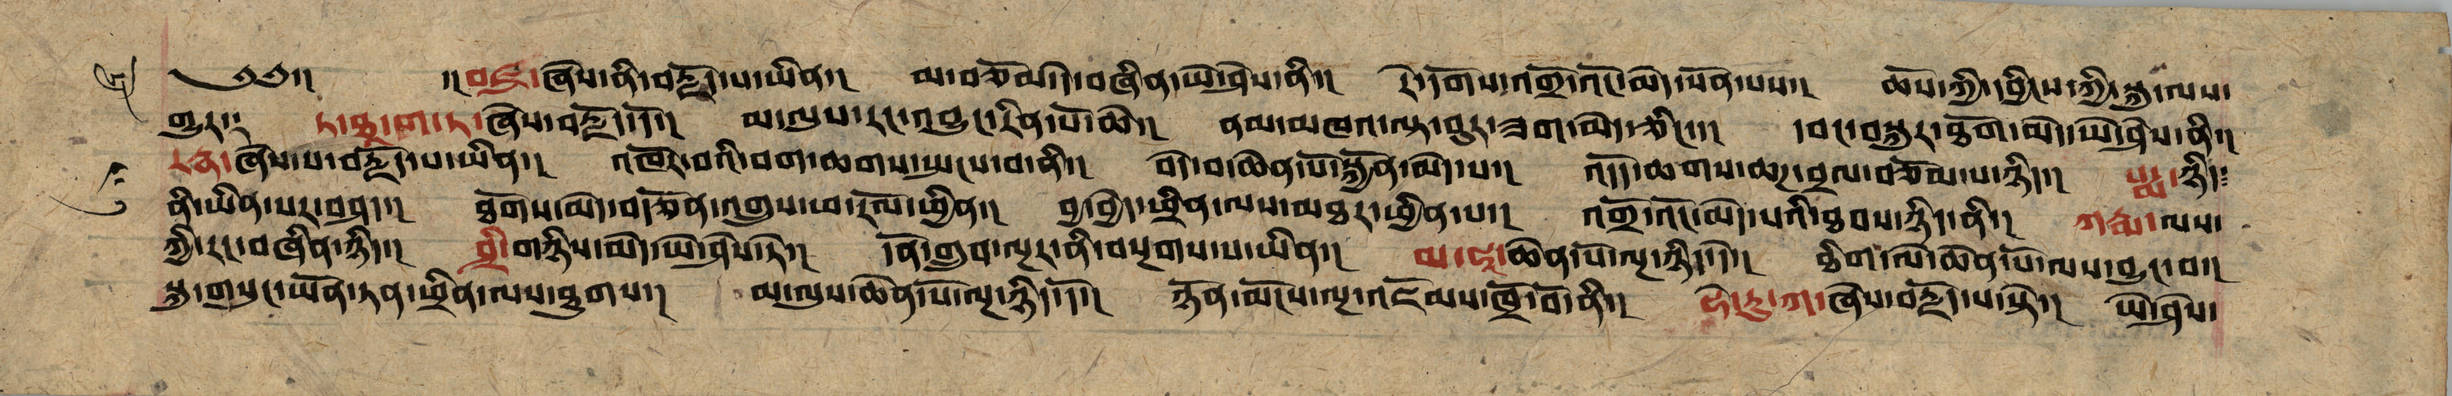༄༅་། ་།བཛྲ་ཞེས་ནི་བརྗོད་པ་ཡིན་། མ་བཅོམ་དེ་བཞིན་ཡེ་ཤེས་ནི་། རེ་དོགས་འགྲོ་འོང་མེད་སོན་པས་། ཆོས་ཀྱི་དབྱིངས་ཀྱི་སྐུ་ལས་
གྱུར༑ ཏ་ཐཱ་ག་ཏ་ཞེས་བརྗོད་དོ་། མ་ལུས་རང་འབྱུང་རིན་པོ་ཆེ་། ནམ་མཁའ་ལྟ་བུར་ཟག་མེད་ཅིང་་། དབང་བསྐུར་ཐོག་མེད་ཡེ་ཤེས་ནི་།
རཏྣ་ཞེས་པ་བརྗོད་པ་ཡིན་། འཁོར་བའི་བག་ཆགས་སྤངས་བ་ནི་། བདེ་བ་ཆེན་པོ་སྐྱོན་མེད་པ་། འདོད་ཆགས་ཆཌ་བྲལ་བཅོམ་པ་ཉིད་། པདྨ་ཉིད༴
ནི་ཡིན་པར་བཤད་། ཐོགས་མེད་བརྩོན་འགྲུས་ཕ་རོལ་ཕྱིན་། བྱ་བྱེད་ཕྲིན་ལས་མཐར་ཕྱིན་པ་། འགྲོ་འོང་མེད་པའི་ཐབས་ཉིད་ནི་། ཀརྨ་ལས་
ཀྱི་རང་བཞིན་ཉིད་། ཤྲི་གཉིས་མེད་ཡེ་ཤེས་ཏེ་། དོན་གྲུབ་ལྔར་ནི་བསྔགས་པ་ཡིན་། མ་ཧཱ་ཆེན་པོ་ལྔ་ཉིད་དེ་། ཐིག་ལེ་ཆེན་པོ་ལས་བྱུང་བ་།
སྐུ་གསུང་ཡོན་ཏན་ཕྲིན་ལས་ཐུགས་། མ་ལུས་ཆེན་པོ་ལྔ་ཉིད་དོ་། ཉོན་མོངས་ལྔ་འཇོམས་ཁྲོ་བོ་ནི་། ཧེ་རུ་ཀ་ཞེས་བརྗོད་པ་སྟེ་། ཡེ་ཤེས་